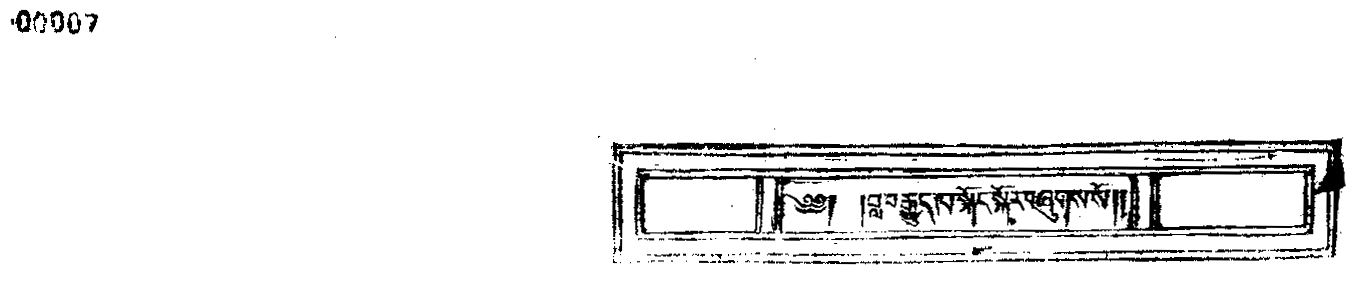༄༅། །བླ་བརྒྱུད་ཁ་སྐོང་སྐོར་བཞུགས་སོ།།